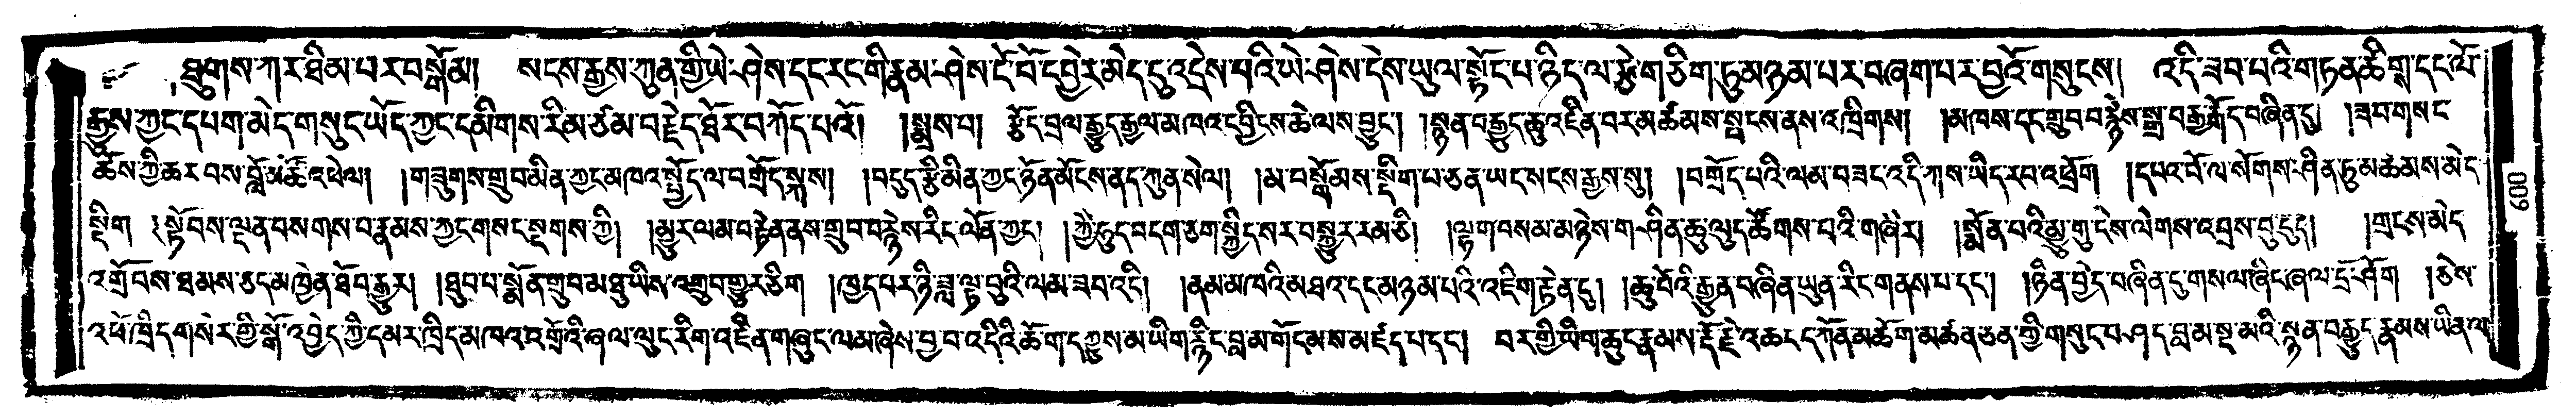ཐུགས་ཀར་ཐིམ་པར་བསྒོམ། སངས་རྒྱས་ཀུན་གྱི་ཡེ་ཤེས་དང་རང་གི་རྣམ་ཤེས་ངོ་བོ་དབྱེར་མེད་དུ་འདྲེས་པའི་ཡེ་ཤེས་དེས་ཡུལ་སྟོང་པ་ཉིད་ལ་རྩེ་གཅིག་ཏུ་མཉམ་པར་བཞག་པར་བྱའོ་གསུངས། འདི་ཟབ་པའི་གཏན་ཚིགས་དང་ལོ་
རྒྱུས་ཀྱང་དཔག་མེད་གསུང་ཡོད་ཀྱང་དམིགས་རིམ་ཙམ་བརྗེད་ཐོར་བཀོད་པའོ། །སྨྲས་པ། རྩོད་བྲལ་རྒྱུད་རྒྱལ་མཁའ་དབྱིངས་ཆེ་ལས་བྱུང་། །སྙན་བརྒྱུད་ཆུ་འཛིན་པར་མཚམས་སྤངས་ནས་འཁྲིགས། །མཁས་དང་གྲུབ་བརྙེས་སྒྲ་བརྒྱ་རྒོད་བཞིན་དུ། །ཟབ་གསང་
ཆོས་ཀྱི་ཆར་བས་བློ་མཚོ་འཕེལ། །གཟུགས་གྲུབ་མིན་ཀྱང་མཁའ་སྤྱོད་ལ་བགྲོད་སྐས། །བདུད་རྩི་མིན་ཀྱང་ཉོན་མོངས་ནད་ཀུན་སེལ། །མ་བསྒོམས་སྡིག་པ་ཅན་ཡང་སངས་རྒྱས་སུ། །བགྲོད་པའི་ལམ་བཟང་འདི་ཀས་ཡིད་རབ་འཕྲོག །དཔའ་བོ་ལ་སོགས་ཤིན་ཏུ་མཚམས་མེད་
སྡིག ༑སྟོབས་ལྡན་བསགས་པ་རྣམས་ཀྱང་གསང་སྔགས་ཀྱི། །མྱུར་ལམ་བརྟེན་ནས་གྲུབ་བརྙེས་རིང་ལོན་ཀྱང་། །ཀྱཻ་ཧུད་བདག་ཅག་སྐྱིད་སར་བསྐྱུར་རམ་ཅི། །ལྷག་བསམ་མཉེས་གཤིན་ཆུ་ལུད་ཚོགས་པའི་གཞིར། །སྨོན་པའི་མྱུ་གུ་ངེས་ལེགས་འབྲས་བུ་དུད། །གྲངས་མེད་
འགྲོ་བས་ཐམས་ཅད་མཁྱེན་ཐོབ་རྒྱུར། །ཐུབ་པ་སྨོན་གྲུབ་མཐུ་ཡིས་འགྲུབ་གྱུར་ཅིག །ཁྱད་པར་ཉི་ཟླ་ལྟ་བུའི་ལམ་ཟབ་འདི། །ནམ་མཁའི་མཐའ་དང་མཉམ་པའི་འཇིག་རྟེན་དུ། །ཆུ་བོའི་རྒྱུན་བཞིན་ཡུན་རིང་གནས་པ་དང་། །ཉིན་བྱེད་བཞིན་དུ་གསལ་ཞིང་ཞལ་དྲོ་ཤོག །ཅེས་
འཕོ་ཁྲིད་གསེར་གྱི་སྒོ་འབྱེད་ཀྱི་དམར་ཁྲིད་མཁའ་འགྲོའི་ཞལ་ལུང་རིག་འཛིན་གཞུང་ལམ་ཞེས་བྱ་བ་འདིའི་ཆོ་ག་དཀྱུས་མ་ཡིག་རྙིང་བླ་མ་གོང་མས་མཛད་པ་དང་། བར་གྱི་ཡིག་ཆུང་རྣམས་རྡོ་རྗེ་འཆང་དཀོན་མཆོག་མཚན་ཅན་གྱི་གསུང་བཤད་བླ་མ་སྔ་མའི་སྙན་བརྒྱུད་རྣམས་ཡིན་ལ་